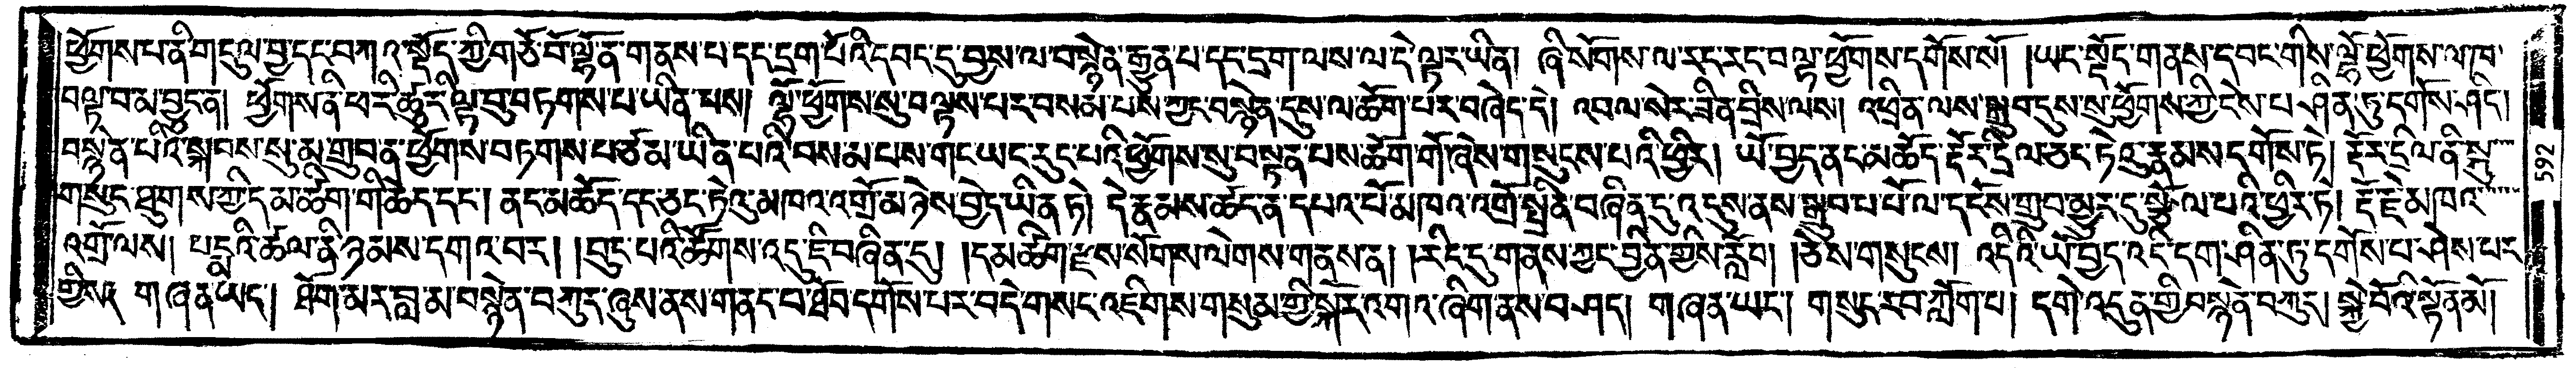ཕྱོགས་པ་ནི་གདུལ་བྱ་དང་བཀའ་སྡོད་ཀྱི་གཙོ་བོ་ལྷོ་ན་གནས་པ་དང་དྲག་པོའི་དབང་དུ་བྱས་ལ་བསྙེན་རྒྱུན་པ་དང་དྲག་ལས་ལ་དེ་ལྟར་ཡིན། ཞི་སོགས་ལ་རང་རང་བལྟ་ཕྱོགས་དགོས་སོ། །ཡང་སྡོད་གནས་དབང་གིས་ལྷོ་ཕྱོགས་ལ་ཁ་
བལྟ་བ་མ་བྱུང་ན། ཕྱོགས་ནི་ཕ་རི་ཚུར་རི་ལྟ་བུ་བཏགས་པ་ཡིན་པས། ལྷོ་ཕྱོགས་སུ་བལྟས་པར་བསམ་པས་ཀྱང་བསྙེན་དུས་ལ་ཆོག་པར་བཞེད་དེ། འབལ་སེར་ཟིན་བྲིས་ལས། འཕྲིན་ལས་སྒྲུབ་དུས་སུ་ཕྱོགས་ཀྱི་ངེས་པ་ཤིན་ཏུ་དགོས་ཤིང་།
བསྙེན་པའི་སྐབས་སུ་མ་གྲུབ་ན་ཕྱོགས་བཏགས་པ་ཙམ་ཡིན་པའི་བསམ་པས་གང་ཡང་རུང་པའི་ཕྱོགས་སུ་བསྟན་པས་ཆོག་གོ་ཞེས་གསུངས་པའི་ཕྱིར། ཡོ་བྱད་ནང་མཆོད་རྡོར་དྲིལ་ཅང་ཏེའུ་རྣམས་དགོས་ཏེ། རྡོར་དྲིལ་ནི་སྐུ་
གསུང་ཐུགས་ཀྱི་དམ་ཚིག་གི་ཆེད་དང་། ནང་མཆོད་དང་ཅང་ཏེའུ་མཁའ་འགྲོ་མ་ཉེས་བྱེད་ཡིན་ཏེ། དེ་རྣམས་ཚད་ན་དཔའ་བོ་མཁའ་འགྲོ་སྤྲིན་བཞིན་དུ་འདུས་ནས་སྒྲུབ་པ་པོ་ལ་དངོས་གྲུབ་མྱུར་དུ་སྩོལ་པའི་ཕྱིར་ཏེ། རྡོ་རྗེ་མཁའ་
འགྲོ་ལས། པདམའི་ཚལ་ནི་ཉམས་དགའ་བར། །བུང་པའི་ཚོགས་འདུ་ཇི་བཞིན་དུ། །དམ་ཚིག་རྫས་སོགས་ལེགས་གནས་ན། །རིང་དུ་གནས་ཀྱང་བྱིན་གྱིས་རློབ། །ཅེས་གསུངས། འདིའི་ཡོ་བྱད་འདི་དག་ཤིན་ཏུ་དགོས་པ་ཤེས་པར་
གྱིས༑ གཞན་ཡང་། ཐོག་མར་བླ་མ་བསྙེན་བཀུར་ཞུས་ནས་གནང་བ་ཐོབ་དགོས་པར་བདེ་གསང་འཇིགས་གསུམ་གྱི་སྐོར་འགའ་ཞིག་ནས་བཤད། གཞན་ཡང་། གསུང་རབ་ཀློག་པ། དགེ་འདུན་གྱི་བསྙེན་བཀུར། སྐྱེ་བོའི་སྟོན་མོ།